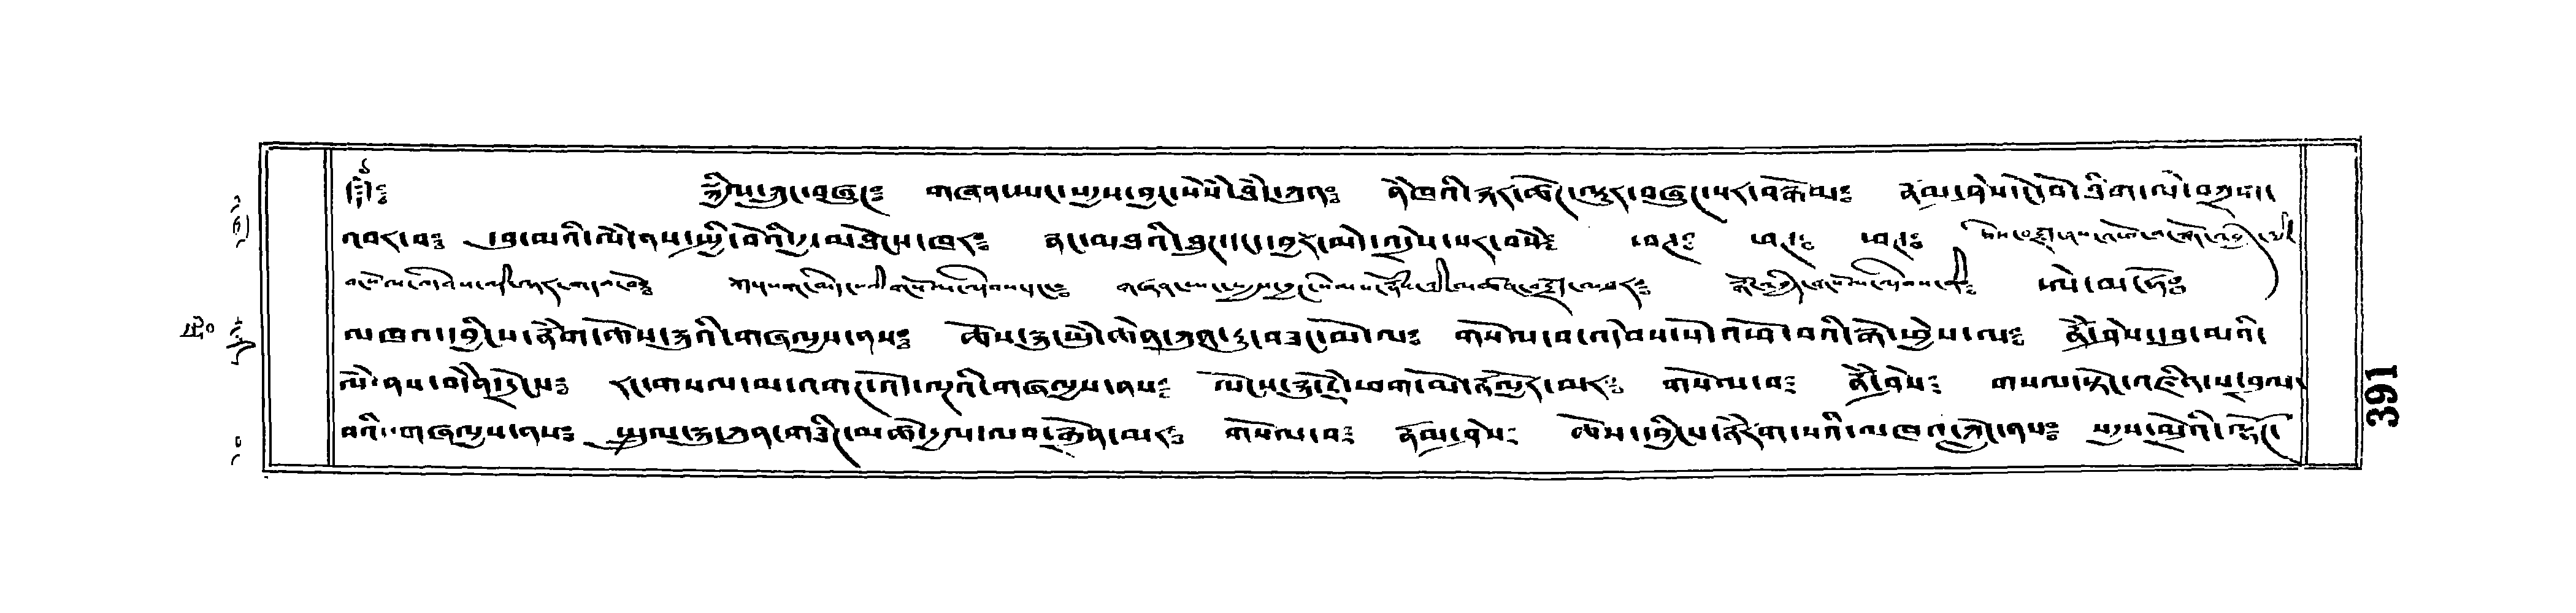སྐྱིལ་ཀྲུང་བཞུགས༔ གཞན་ཡང་སངས་རྒྱས་བྱང་སེམས་ཐམས་ཅད་ཀུན༔ ནམ་མཁའི་སྐར་ཚོགས་ལྟ་བུར་བཞུགས་པར་བསྒོམ༔ རྣམ་ཤེས་ངོ་བོ་ཐིག་ལེ་བཀྲག་
འབར་བ༔ དབུ་མའི་ལམ་ནས་སྤྱི་བོའི་རྒྱ་མཐོངས་ཁར༔ སྣང་མཐའི་ཐུགས་དང་དབྱེར་མེད་འདྲེས་པར་བསམ༔ ཕཊ༔ ཕཊཿ ཕཊ༔ ཅེས་བརྗོད་ནས་འཕོ་བ་སྒོ་འབྱེད་ཀྱི་
གསོལ་འདེབས་འདི་ལྟར་གདབ་བོ༔ འོད་དཔག་མེད་པའི་གསོལ་འདེབས་དང༔ གཞན་ཡང་སངས་རྒྱས་བྱང་སེམས་རྣམས་ཀྱི་མཚན་བརྗོད་མཐར༔ སྒོ་འབྱེད་གསོལ་འདེབས་ནི༔ ཨེ་མ་ཧོཿ 
མཁའ་དབྱིངས་རྣམ་དག་ཆོས་སྐུའི་གཞལ་ཡས་ནས༔ ཆོས་སྐུ་ཡུམ་ཆེན་ཀུན་ཏུ་བཟང་མོ་ལ༔ གསོལ་བ་འདེབས་སོ་འཕོ་བའི་སྒོ་ཕྱེས་ལ༔ རྣམ་ཤེས་དབུ་མའི་
ལམ་ནས་བདེ་ཆེན་དྲོངས༔རང་གསལ་མ་འགགས་འོད་ལྔའི་གཞལ་ཡས་ནས༔ ལོངས་སྐུ་རྡོ་རྗེ་ཕག་མོ་རྣལ་འབྱོར་མར༔ གསོལ་བ༴ རྣམ་ཤེས༴ གསལ་སྟོང་འཛིན་པ་བྲལ་
བའི་གཞལ་ཡས་ནས༔ སྤྲུལ་སྐུ་ཀུན་གཟིགས་མཚོ་རྒྱལ་ལབ་སྒྲོན་མར༔ གསོལ་བ༴ རྣམ་ཤེས༴ ཆོས་དབྱིངས་རྣམ་པར་དག་པའི་མཁའ་ཀློང་ནས༔ སངས་རྒྱས་མཁའ་འགྲོའི་ལྷ་ཚོགས་